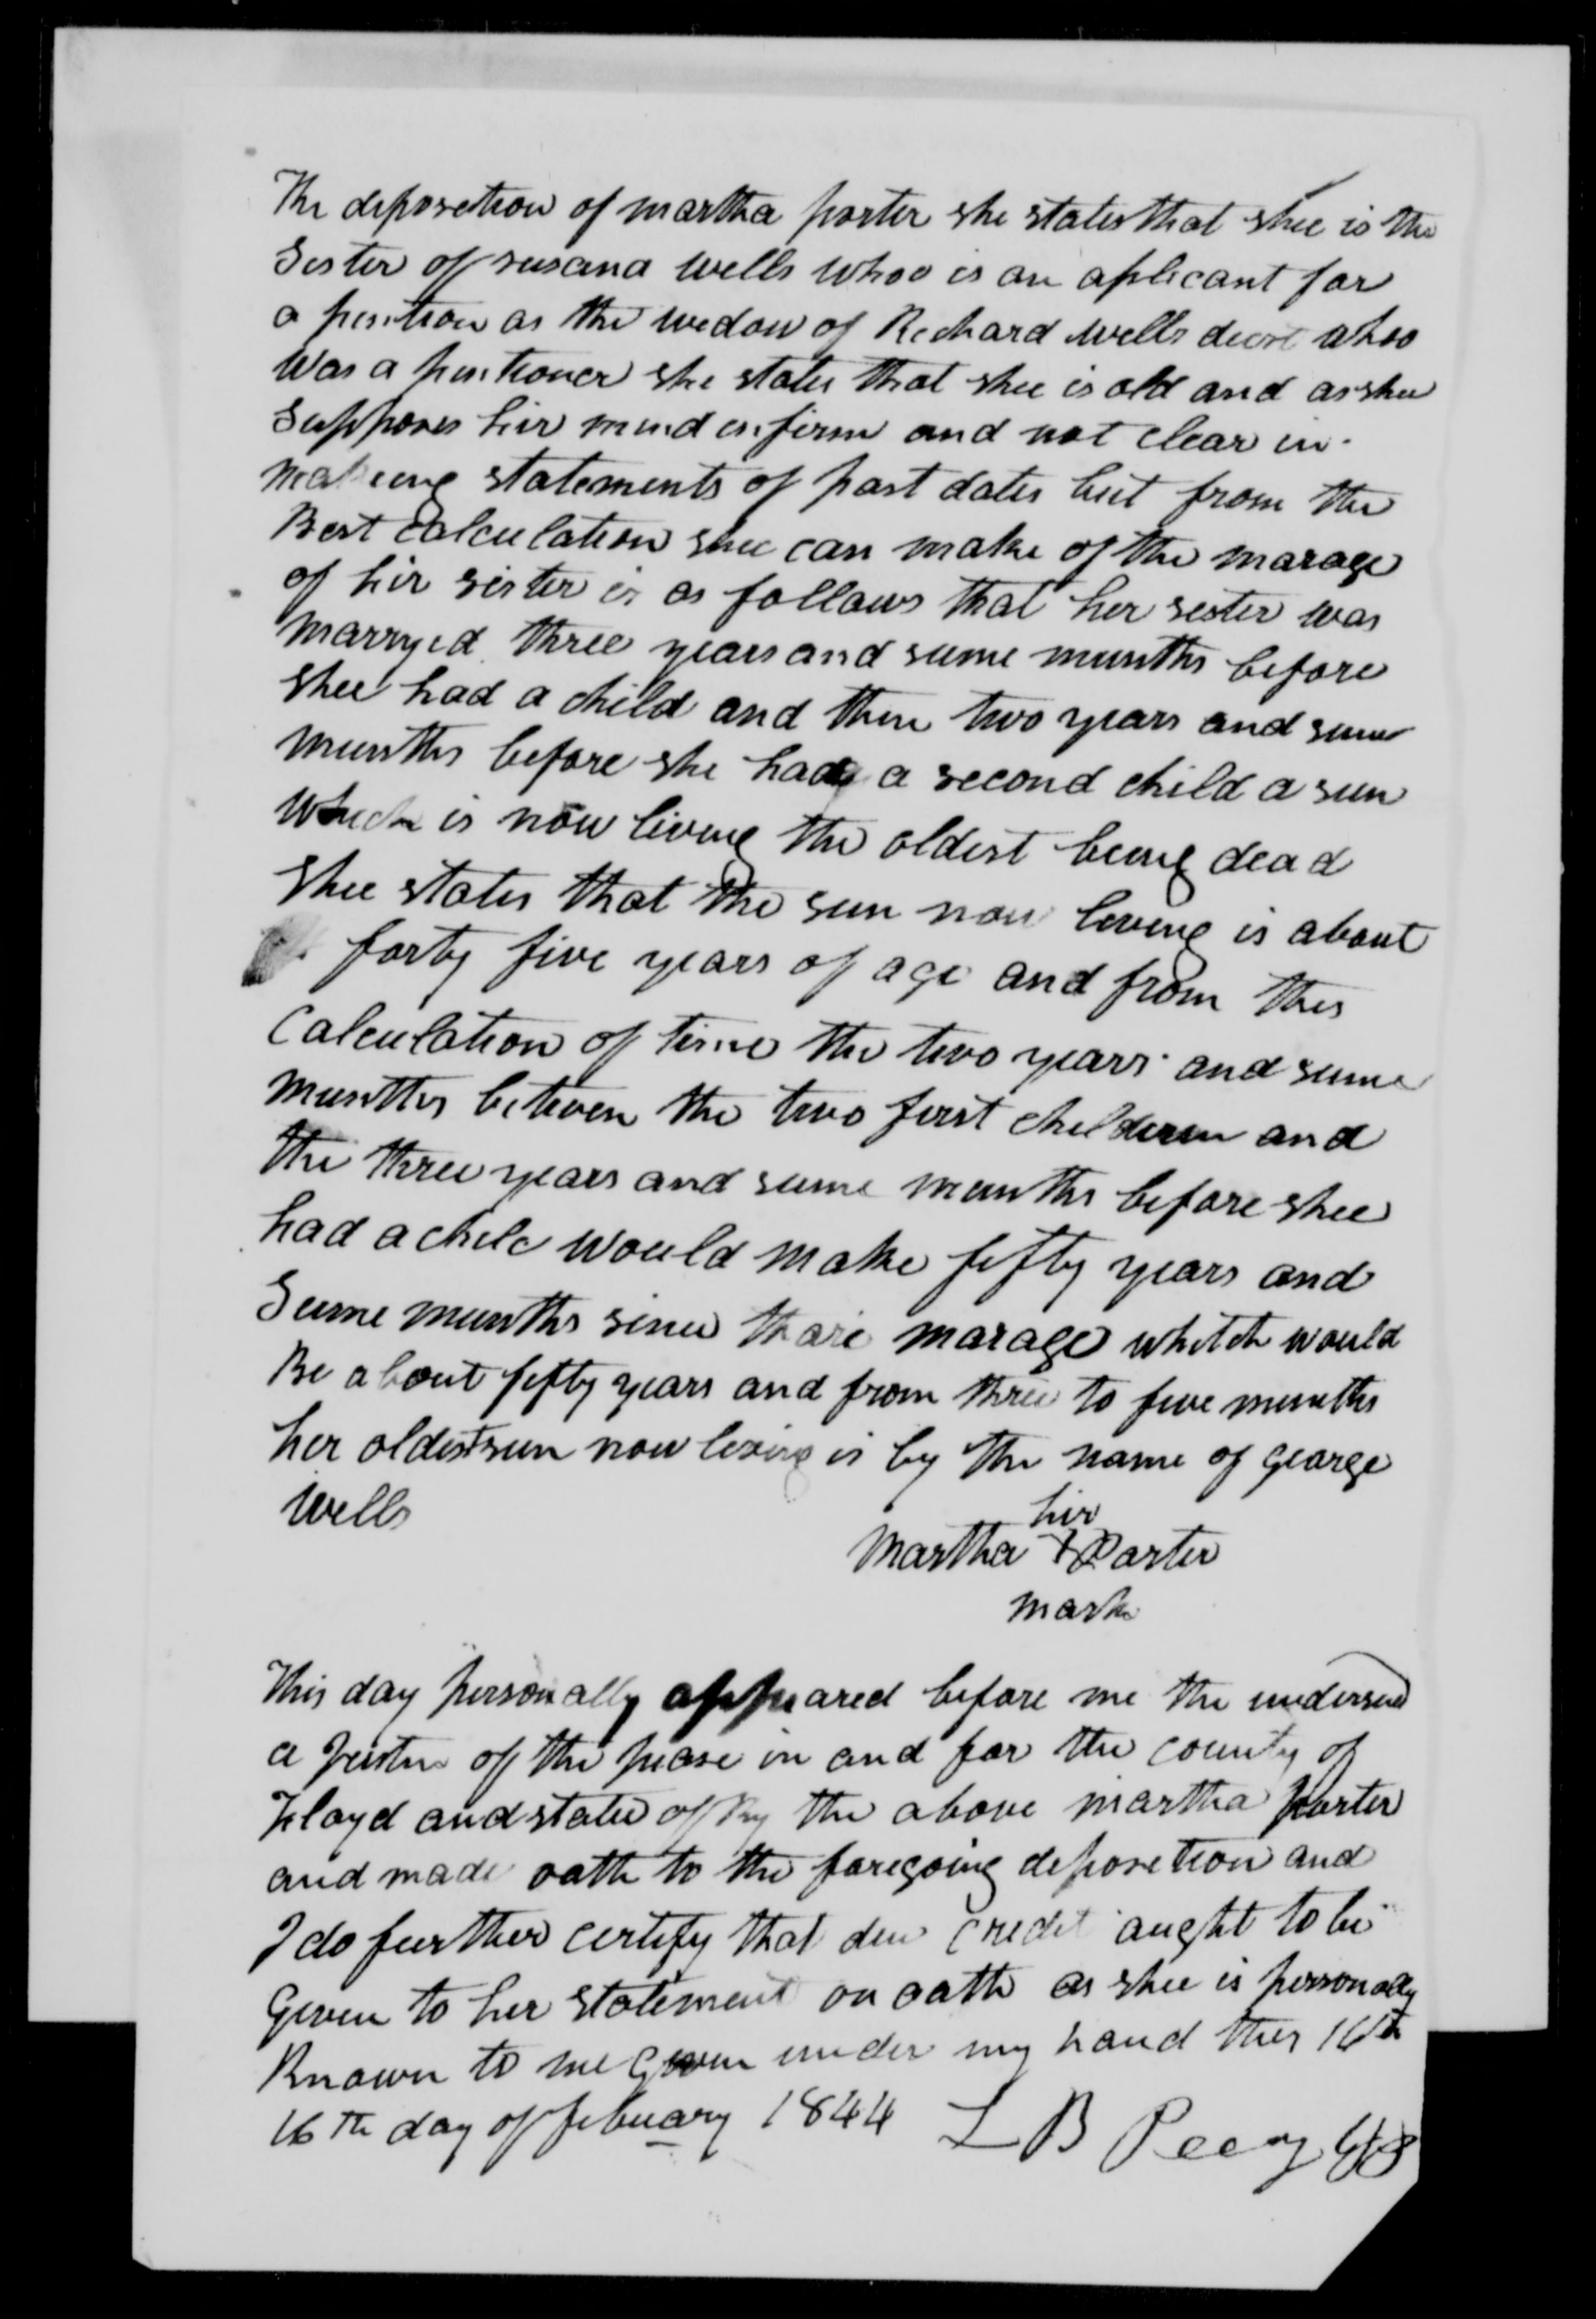The deposition of Martha Porter she states that she is the sister of Susana Wells who is an aplicant for a pension as the widow of Richard Wells decd who was a pentioner she states that she is old and she supposes her mind afirm and not clear in making statements of past dates but from the best calculation she can make of the marage of her sister is as follows that her sister was marryed three years and some months before she had a child and then two years and seven months before she had a second child a son which now living the oldest being dead Shee states that the son now living is about forty five years of age and from this calculation of time the two years and some months between the two first children and the three years and same months before shee had a child would make fifty years and some months since thare marage which would be about fifty years and from three to five months her oldest sun now biving is by the name of George Wells
Martha X Porter her mark
This day personally appeared before me the undersaid a justice of the pease in and for the county of Floyd and state of the above Martha Porter and made oath to the foregoing deposition and I do further certify that due credit ought to be given to her statement on oath as she is personally know to me given under my hand the 16th day of february 1844
LB Perez JP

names: Richard Wells, Martha Porter, George Wells, Susana Wells, L B Pecy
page: 37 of 100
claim: widow's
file: W. 6437, Richard Wells, Ga Va.